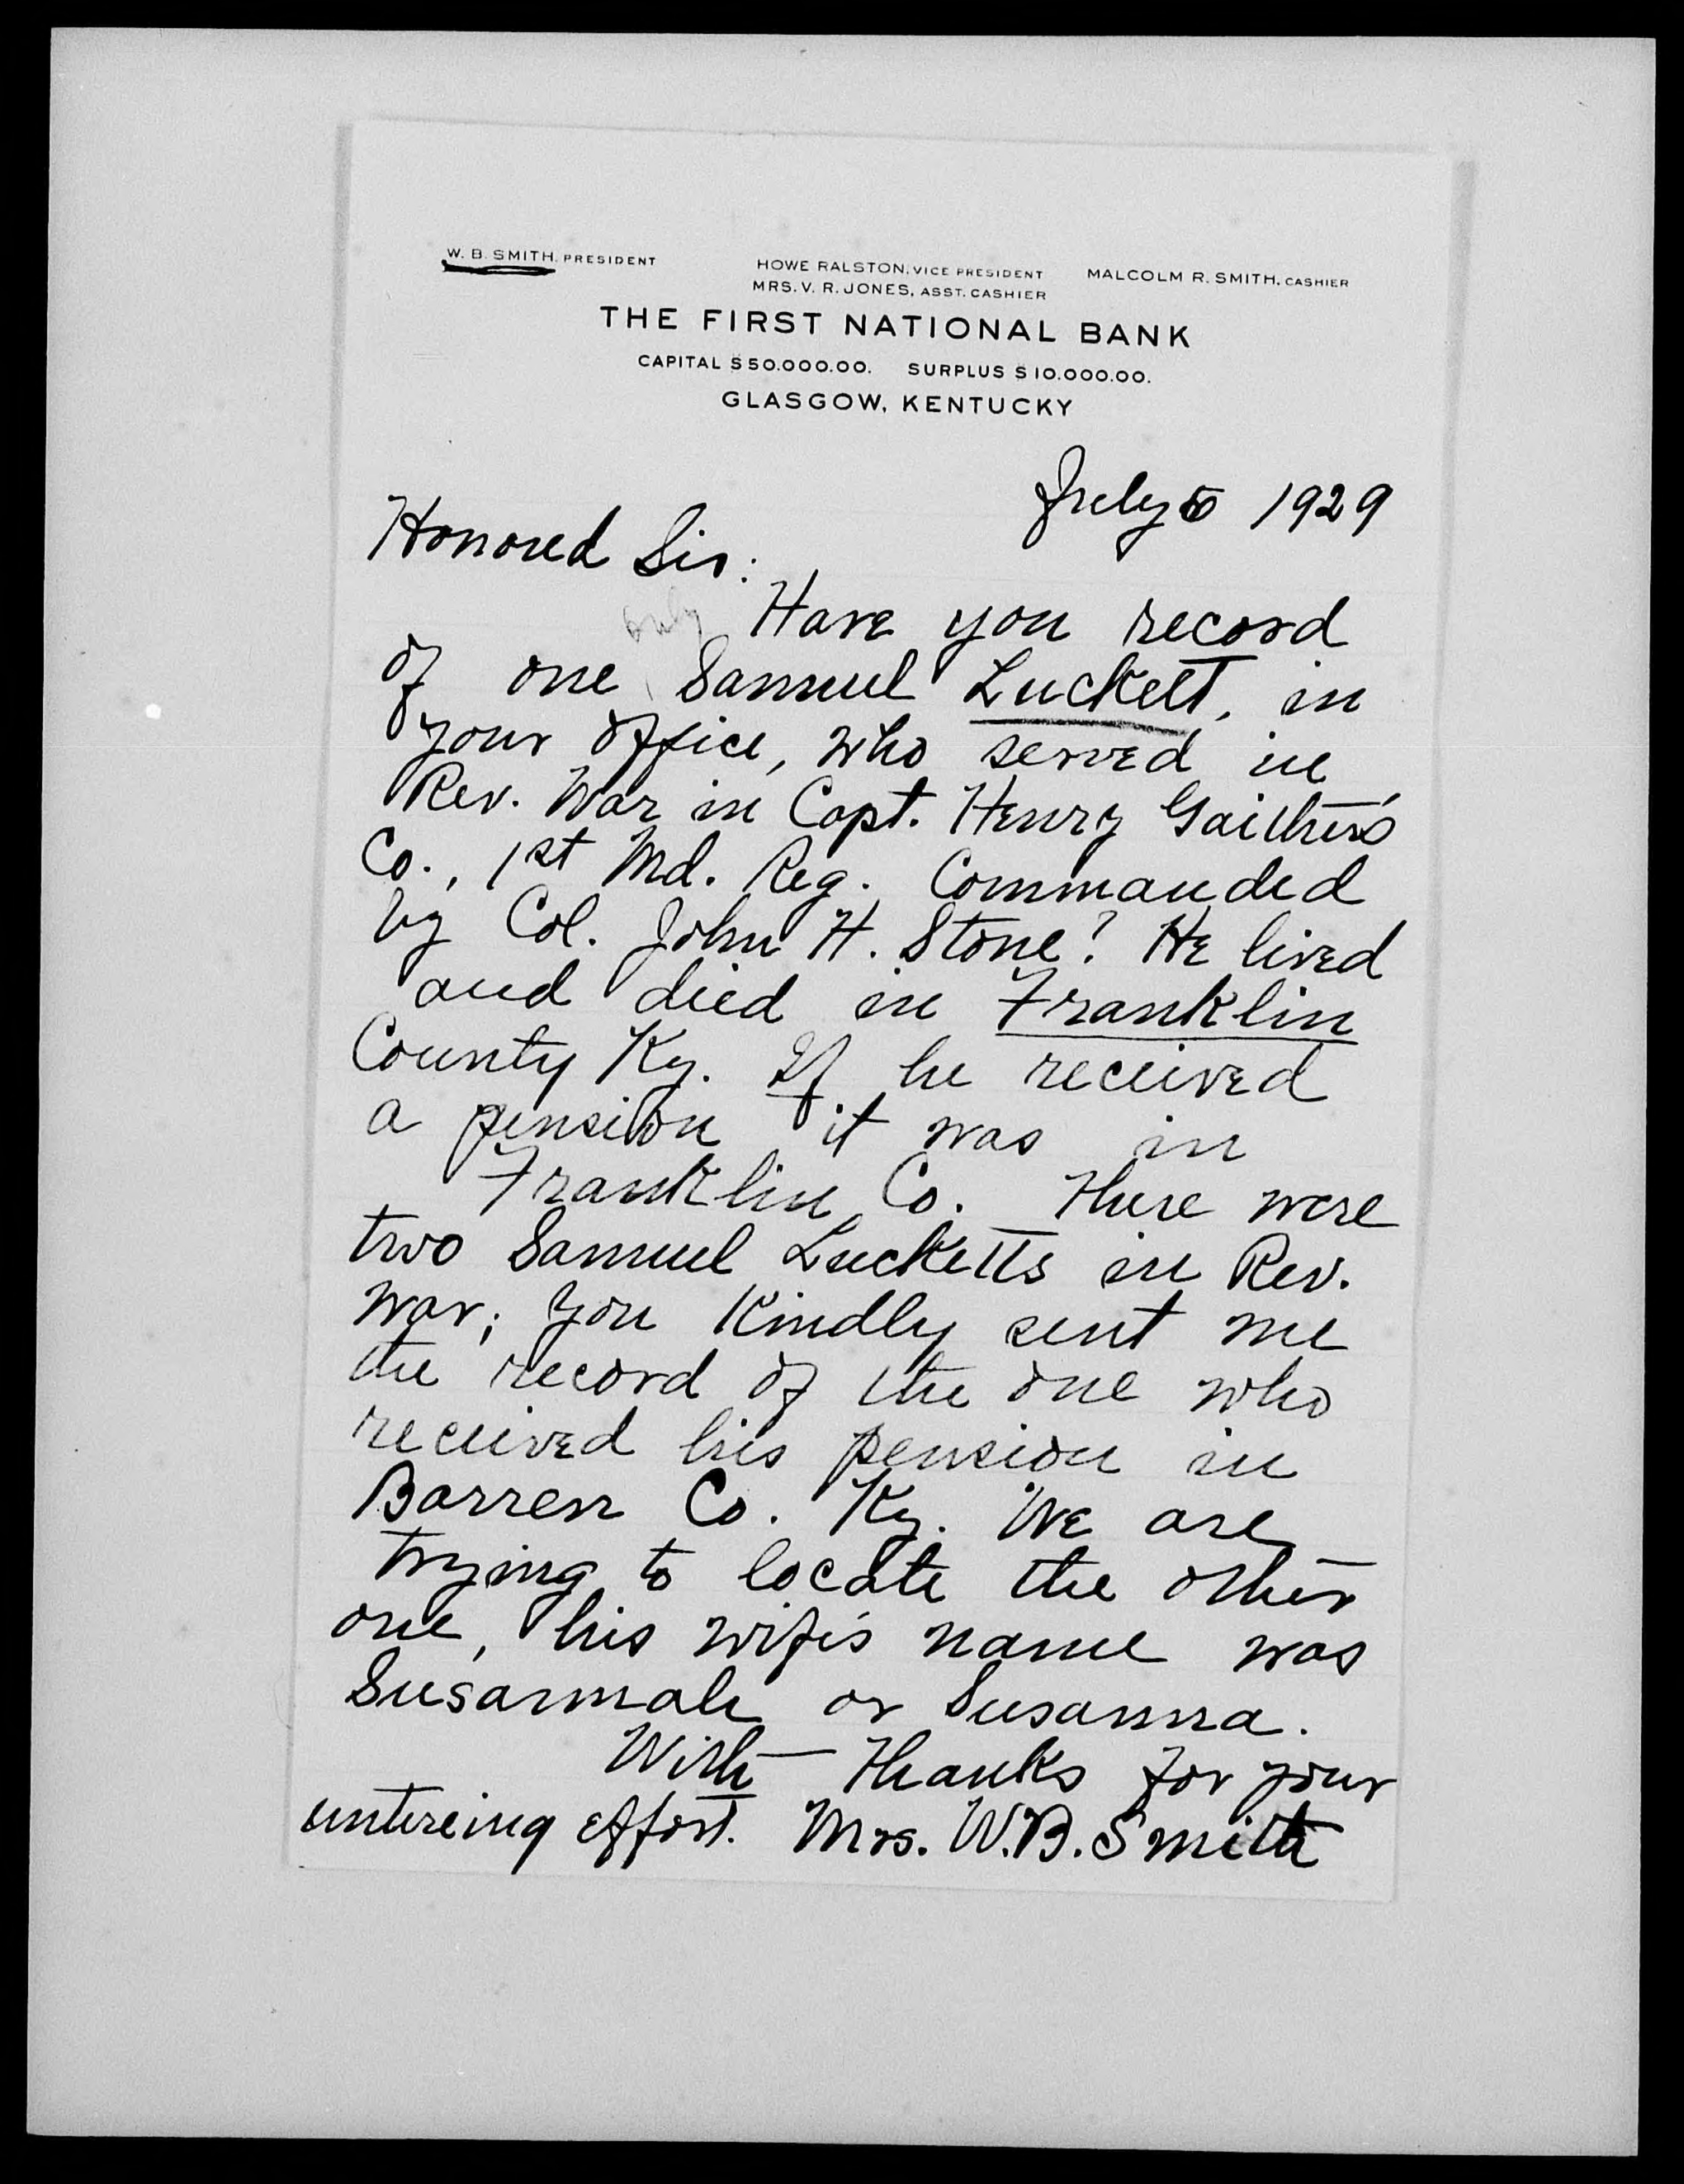LETTERHEAD
The First National Bank
Glasgow, Kentucky

July 6, 1929

Honored Sir

Have you record of one Samuel Luckett in your office who served in Rev War in Capt. Henry Gaither's Co 1st MD Reg, commanded by Col John H Stone? He lived and died in Franklin County Ky. If he received a pension, it was in Franklin Co There were two Samuel Lucketts in Rev war; you kindly sent me the record of the one who received his pension in Barren Co Ky. We are trying to locate the other one, his wife's name was Susannah or Susanna.

With thanks for your untiring effort.

Mrs. W.B. Smith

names: Howe Ralston; V R Jones; Samuel Luckett; Susanna [BLANK]; John H Stone; Malcolm R Smith; W B Smith; Susannah [BLANK]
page: 18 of 34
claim: survivor's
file: S. 36,051, for Samuel Luckett, Maryland